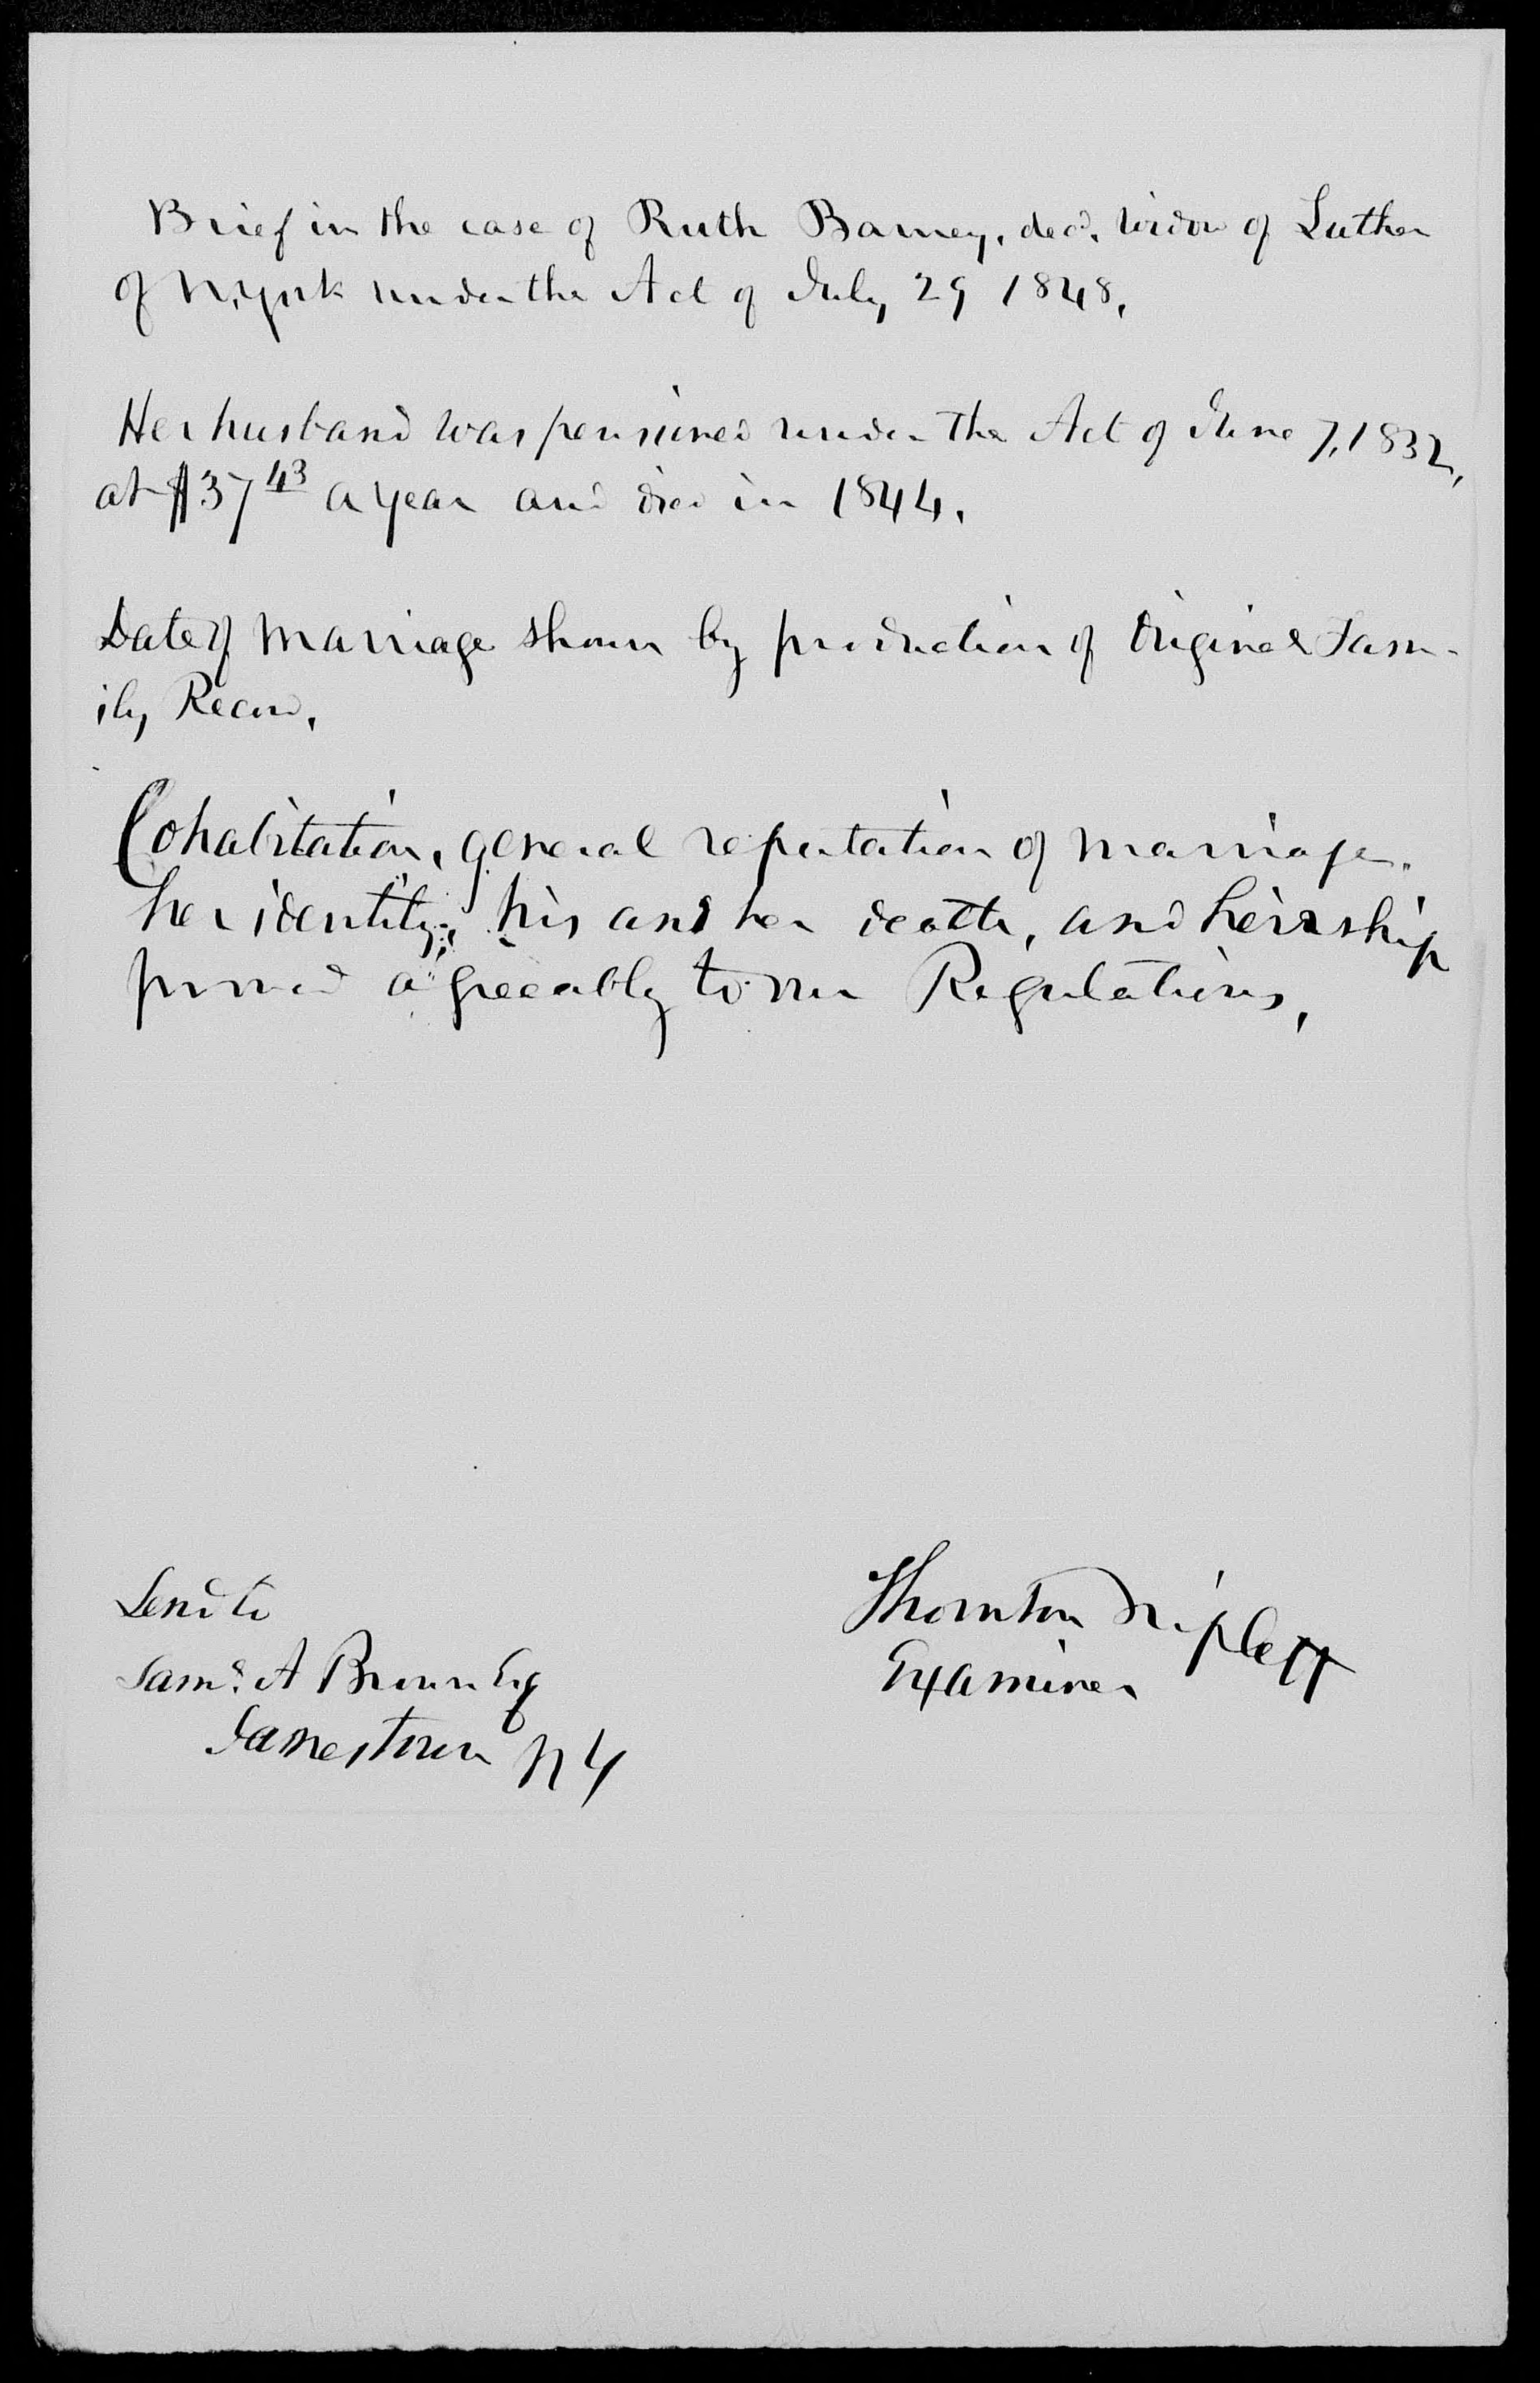Brief in the case of Ruth Barney, decd, widow of Luther of N. York under the Act of July 29 1848,

Her husband was pensioned under the Act of June 7, 1832
at $37.43 a year and died in 1844.

Date of Marriage shown by production of Original Family Record, cohabitation, general reputation of Marriage, her identity, his and her death, and heirship proved agreeably to the Regulations.

Send to
Saml A Brown Esq
Jamestown NY

Thomson Niplett
Examiner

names: Thornton Triplett, Saml A Brown, Ruth Barney, Luther Barney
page: 44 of 61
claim: widow's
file: W. 4.124, Luther Barney, Conn. Privateer.